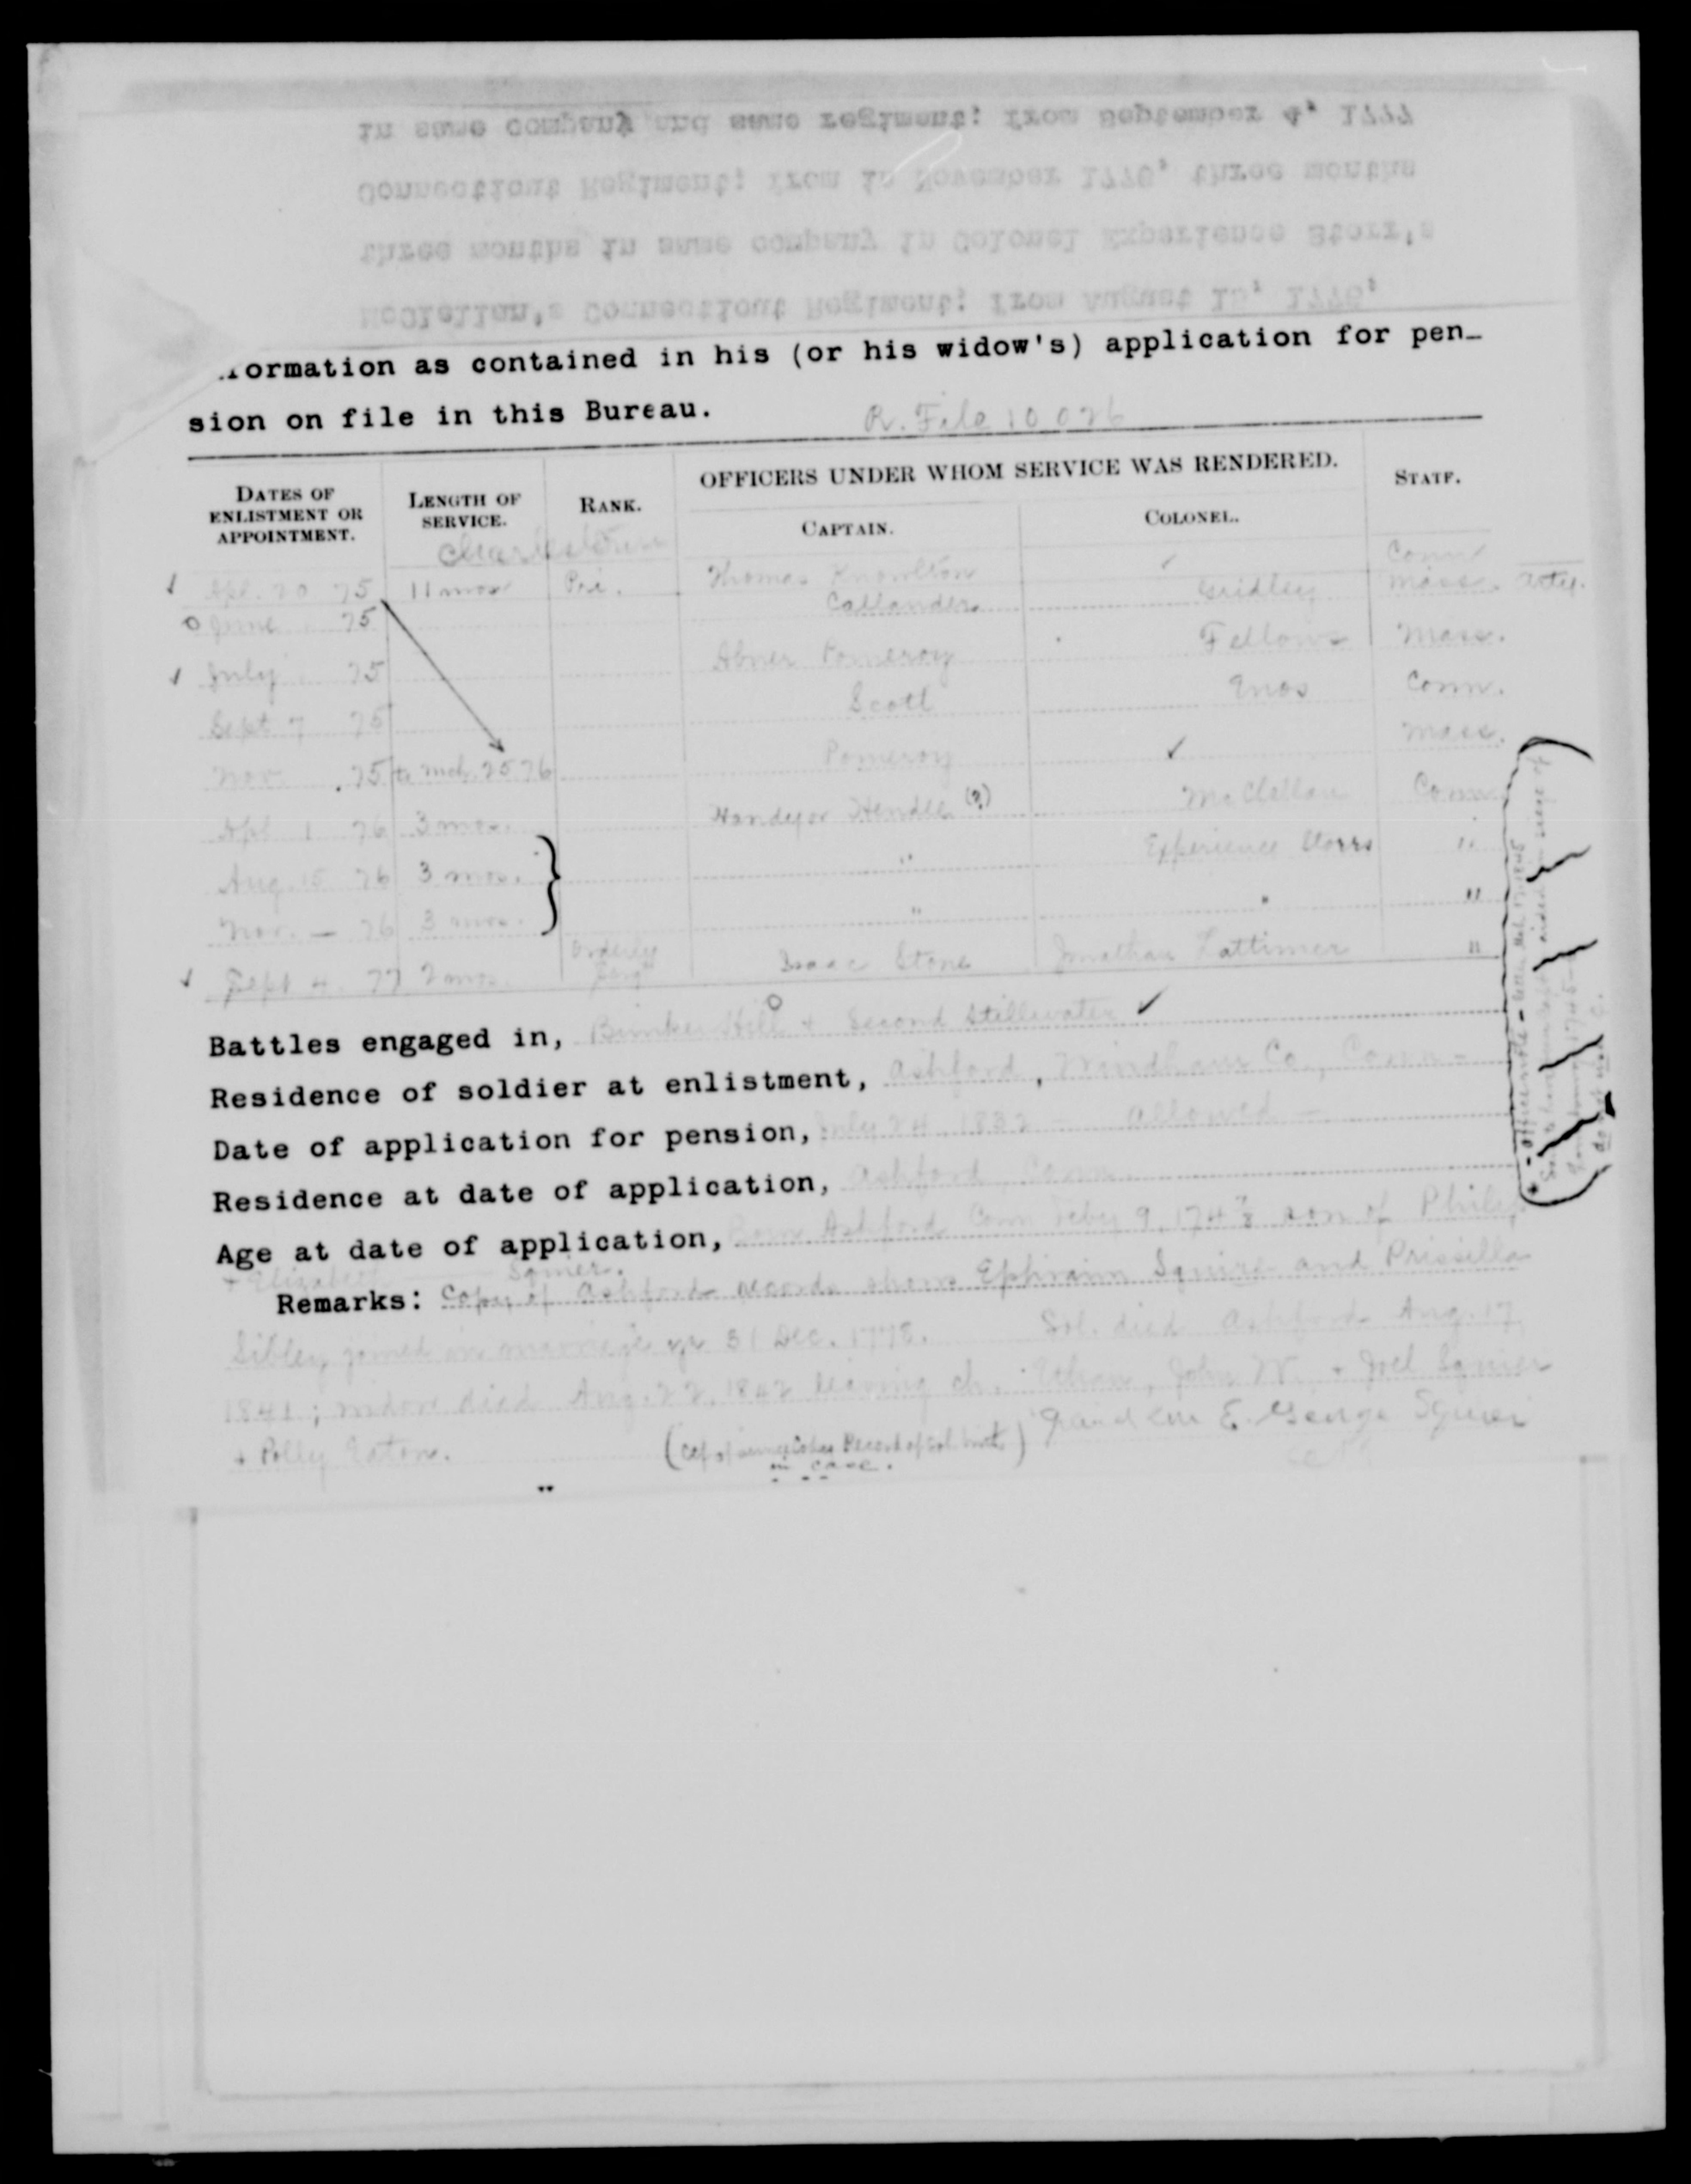*backwards type as follows;*
McClellan's Connecticut Regiment fromAugust 15, 1776, three months in the same company in Colonel Experience Storr's Connecticut Regiment; from November 1776, three months in same company and same Regiment; from September 4, 1777

Informationas contained in his (or his widow's) application for pension on file in this Bureau. 
R. File 10026
 Date of Enlistment or Appointment:
April 20 '75 -76 L.o Service: 11 months Rank: Private 
Officer under whom service was rendered Captain: Thomas Knowlton; State: Conn.

June '75 Captain Collander , Colonel Widley; State Mass. 

July '75 Captain Abner Pomeroy ; Colonel Fellows ; State Mass. 

Sept 7, '75 Catain Scott , Colonel Enos; State Conn.

Nov. 75 to Mar 25, '76 Captain Pomeroy; State Mass. 

Apr. 1. '76; Length 3 months; Captain  Handy or Handee (?); Colonel McClellan; State Conn. 

Aug 15 '76; Length 3 months; Captain Handy or Handee, Colonel Experience Storrs; State Conn. 

Nov-'76; Length 3 months; Captain Handy or Handee; State Conn.

Sept. 4 '77; Length 2 months; rank: Orderly Sargeant; Captain Isaac Stone, Colonel Jonathan Lattimer; State  Conn. 

Battles engaged in, Bunker Hill and Second Stillwater
Residence of soldier at enlistment: Ashford, Windham Co., Conn. 
Date of Application for pension, July 24, 1832 approved
Residence at date of application,  Ashford Conn. 
Age at date of application,  Born Ashford Conn. Feb. 9, 11747/8, son of Philip and Elizabeth Squier. 

Remarks: Copy of Ashford records show Ephraim Squier and Priscilla Sibley joined in marriage on 31 Dec. 1778. Sol. died Ashford. Aug.  17 1841, widow died Aug. 22, 1843 leaving ch. Ethan, John W, Joel Squier & Polly Eaton. 

(Cef. of service [illegible] record of Rev. hist. in case.) 

Grandson E. George Squier


*sidways*
office note letter Mar.  17, 1845 
send to [illegible] Capt. aided in seize of Louisbourg 1745
do not [illegible]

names: Joel Squier; [BLANK] Scott; Hardy [BLANK]; Ephraim Squier; [BLANK] Mc Clellan; Jonathan Lattimer; [BLANK] Callander; Abner Pomeroy; Isaac Stone; [BLANK] Fellows; [BLANK] Pomeroy; Polly Eaton; Kramer Knowlton; E George Squier; [ILLEGIBLE] Squier; Prissilla Sibley; [BLANK] Jones; Hendel [BLANK]; Elizabeth Squier; Ephriam Storrs; [BLANK] Gridley; Philip Squier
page: 68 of 70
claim: rejected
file: R. 10,026, for Ephraim Squier, Connecticut